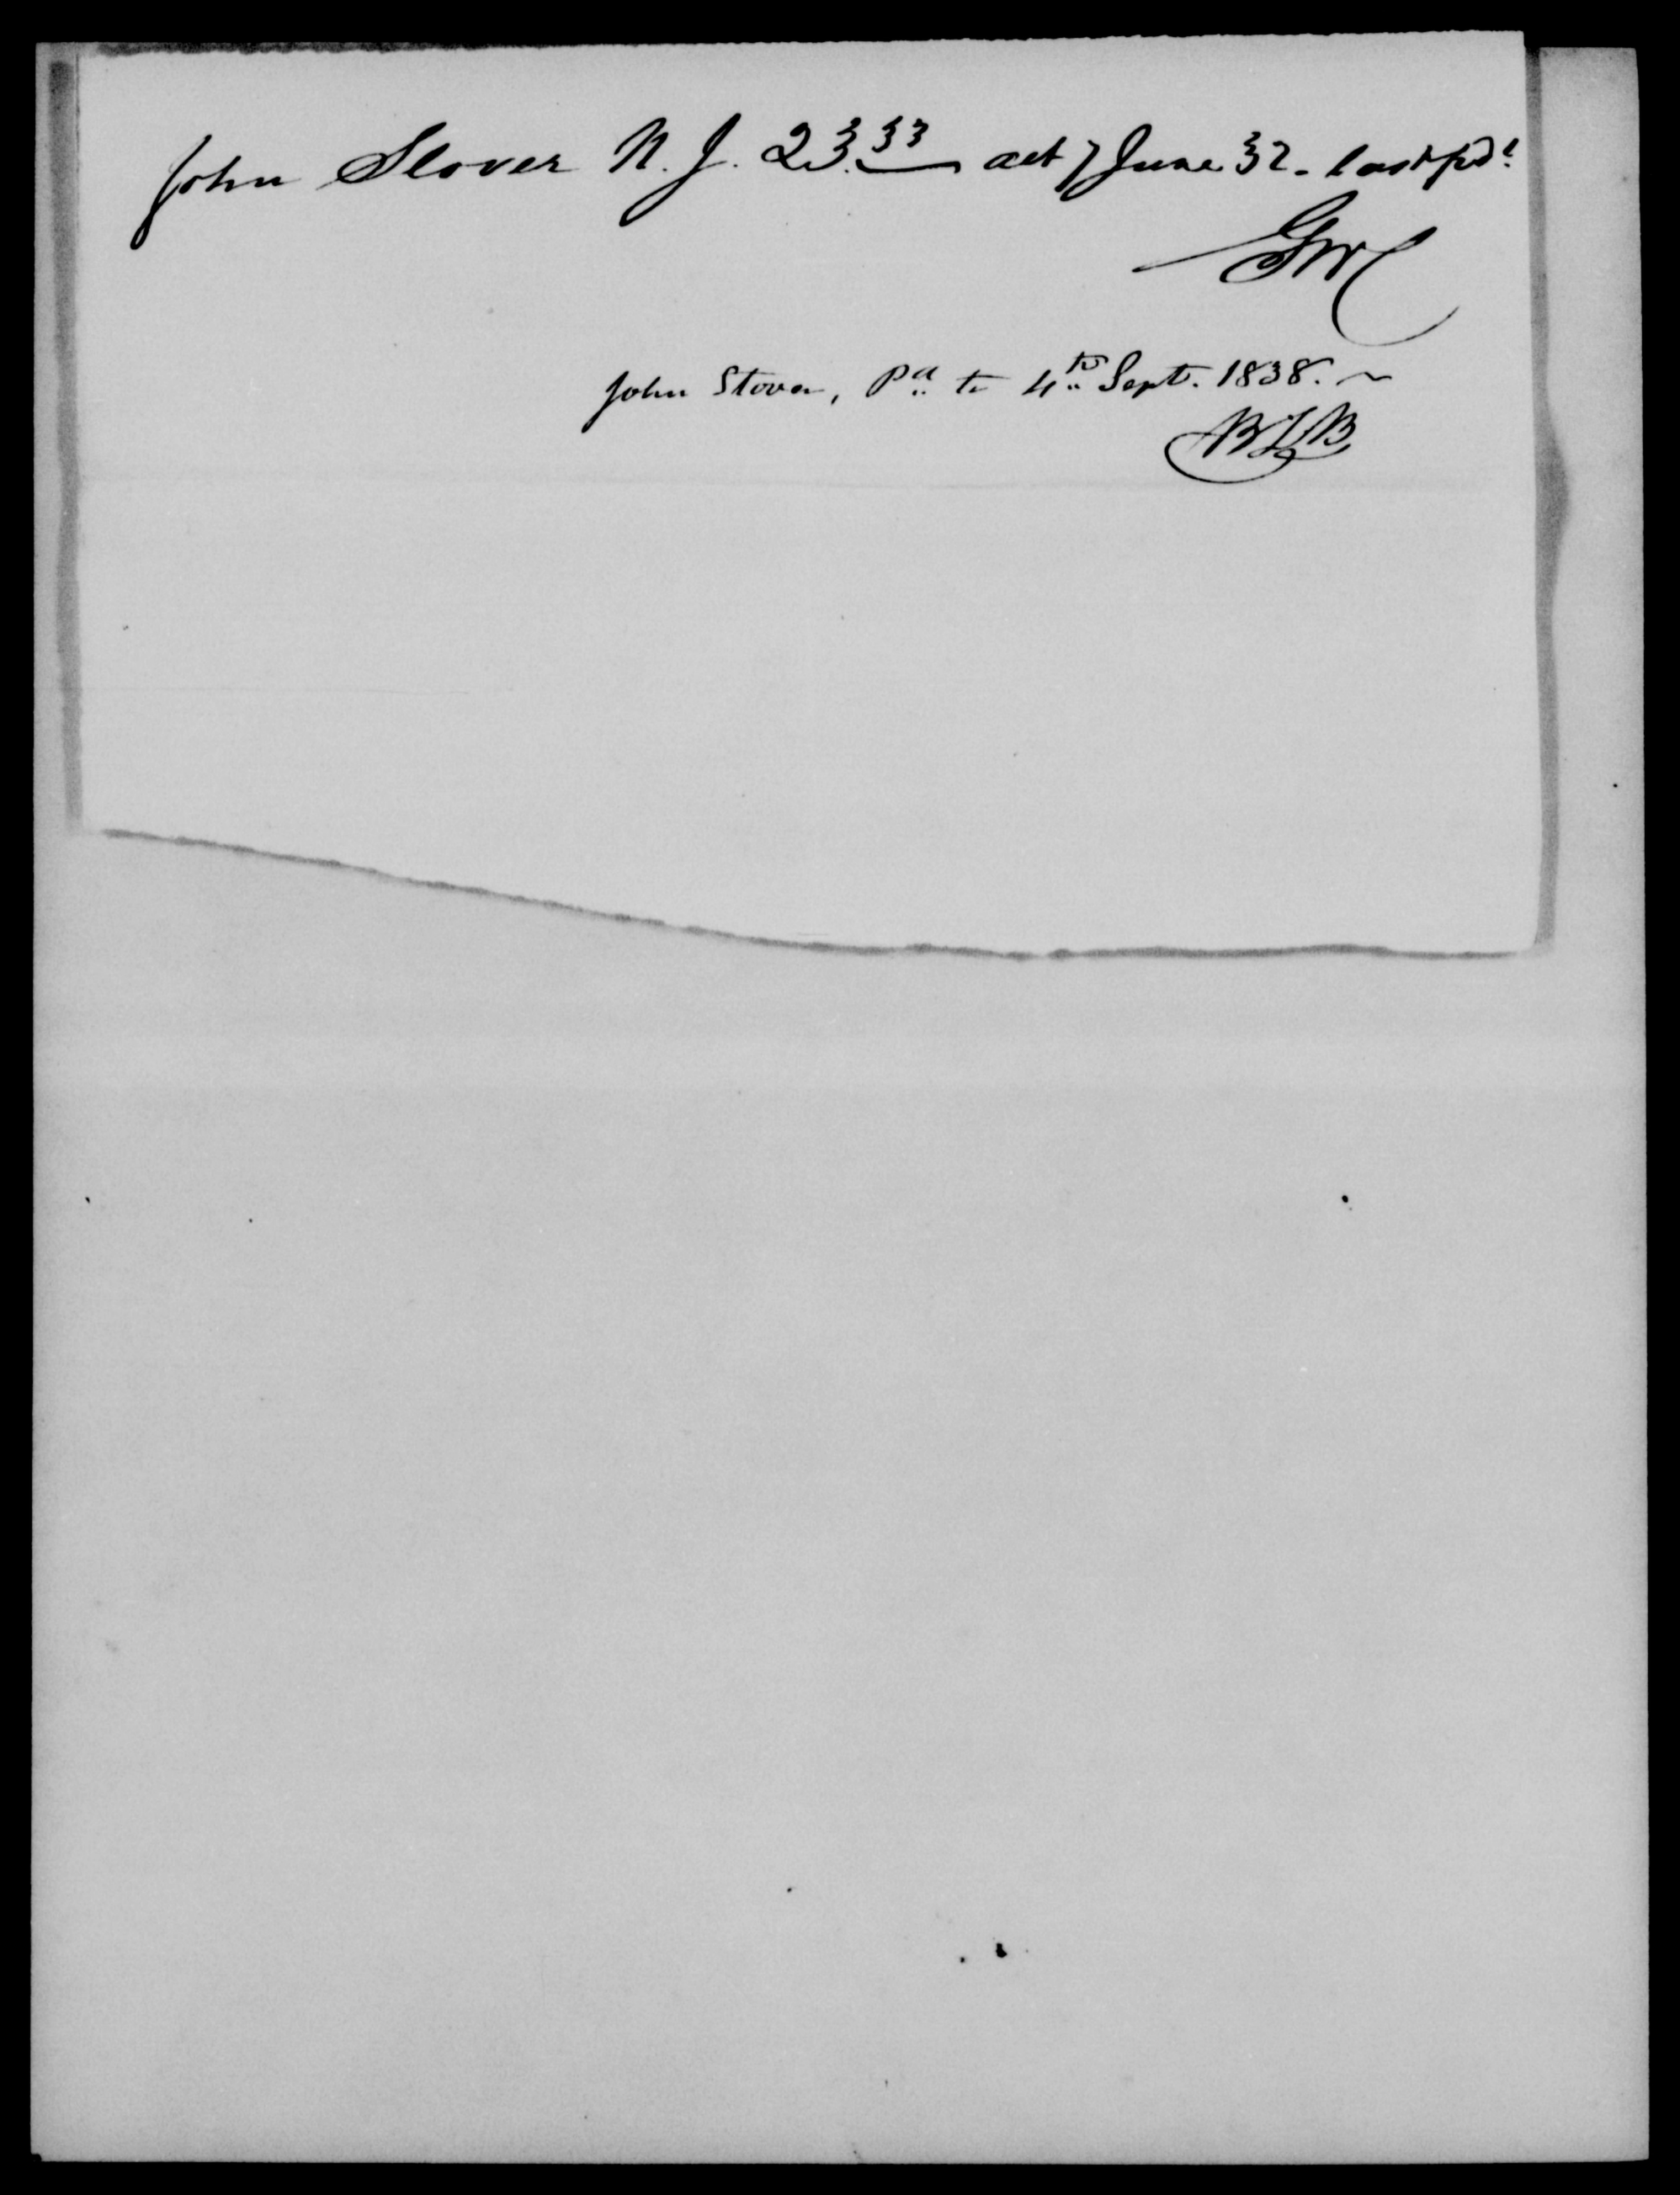John Slover, N.J., $23.33; Act June '32. Last paid?
s/ G.W.C.

John Slover, P(ai)d to 4th Sept. 1838.
s/ B.L.B.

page: 21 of 46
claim: widow's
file: W. 6205, for John Slover, New Jersey